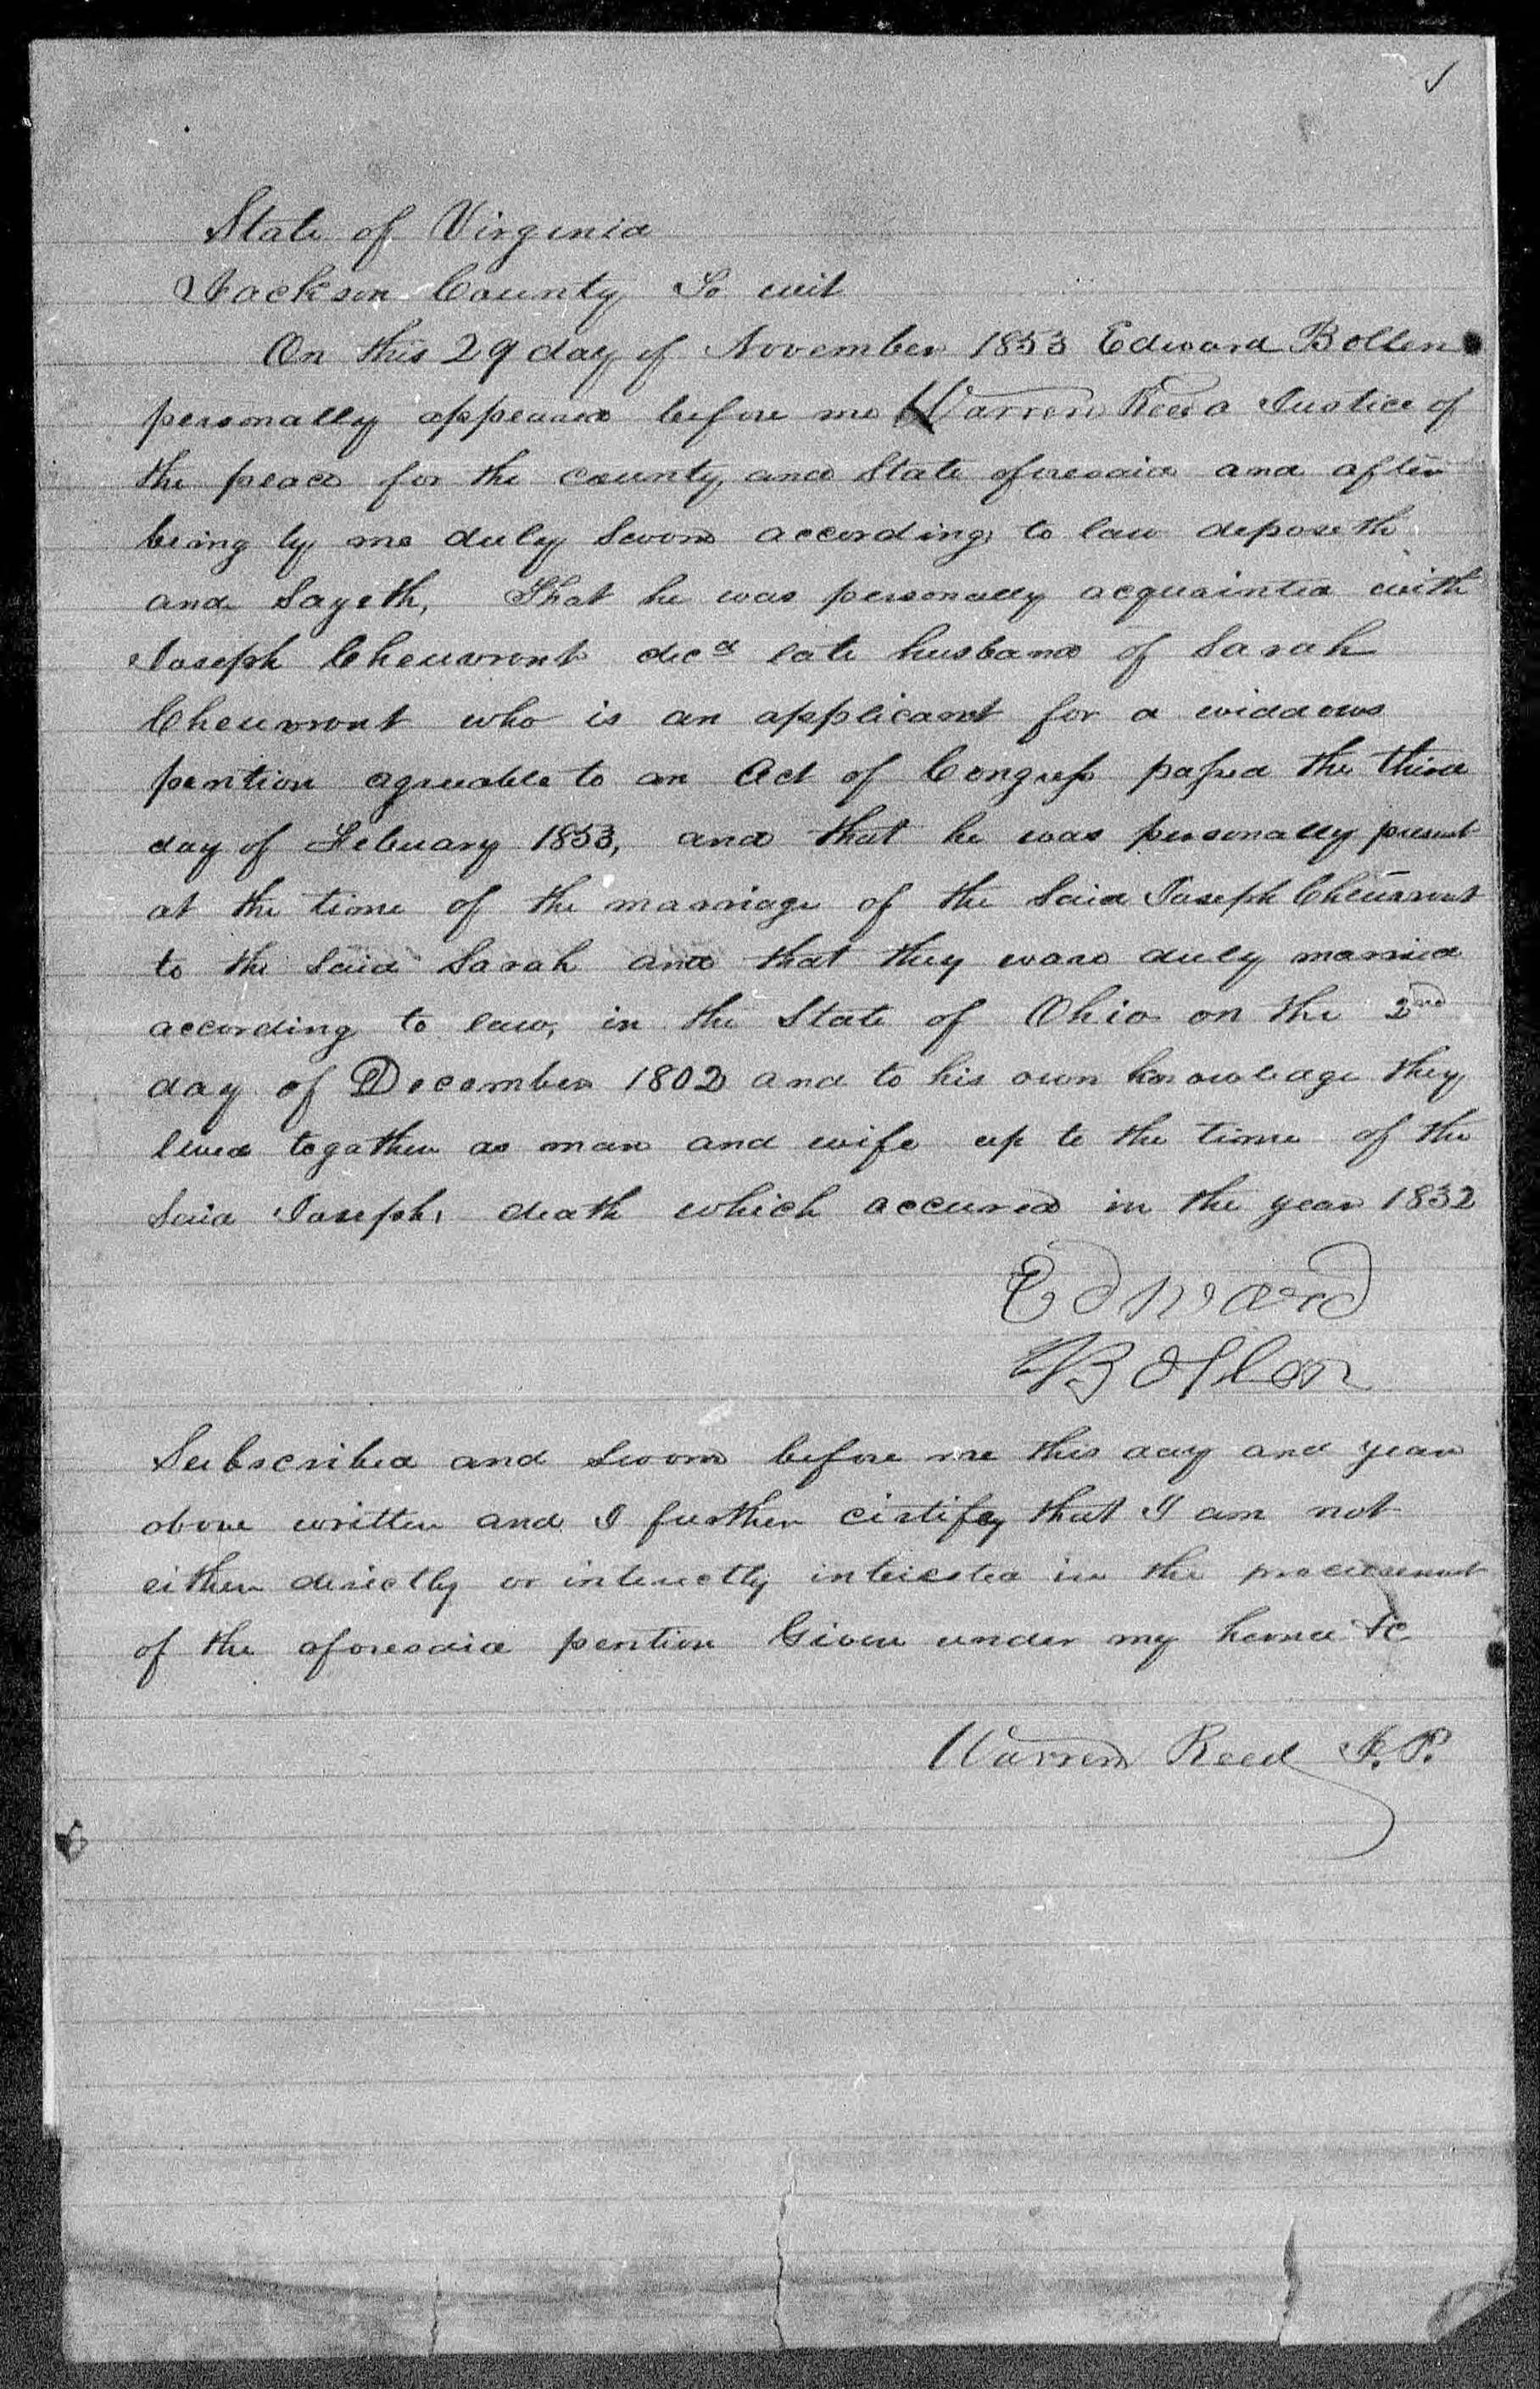State of Virginia
Jackson County To wit
On this 29 day of November 1853 Edward Bollen
personally appeared before me Warren Reed a Justice of
the peace for the County and State aforesaid and after
being by me duly sworn according to law deposeth
and sayeth, That he was personally acquainted with 
Joseph Cheuvront decd late husband of Sarah
Cheuvront who is an applicant for a widdows
pention agreeable to an Act of Congress passed the third
day of February 1853, and that he was personally present
at the time of the marriage of the said Joseph Cheuvront
to the said Sarah and that they were duly married
according to law, in the State of Ohio on the 2d
day of December 1802 and to his own knowledge they
lived together as man and wife up to the time of the
said Joseph, death which occured in the year 1832
Edward
Bolton
Subscribed and sworn before me this day and year
above written and I further certify that I am not
either directly or indirectly interested in the procurement
of the aforesaid pention Given under my hand etc
Warren Reed J.P.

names: Warren Reed, Joseph, Edward Bollen, Edward Bollen, Joseph Cheuvront, Sarah Cheuvront, Joseph Cheuvront, Sarah, Warren Reed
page: 7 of 21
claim: rejected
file: R. 1,907, Joseph Cheuvront, Va.